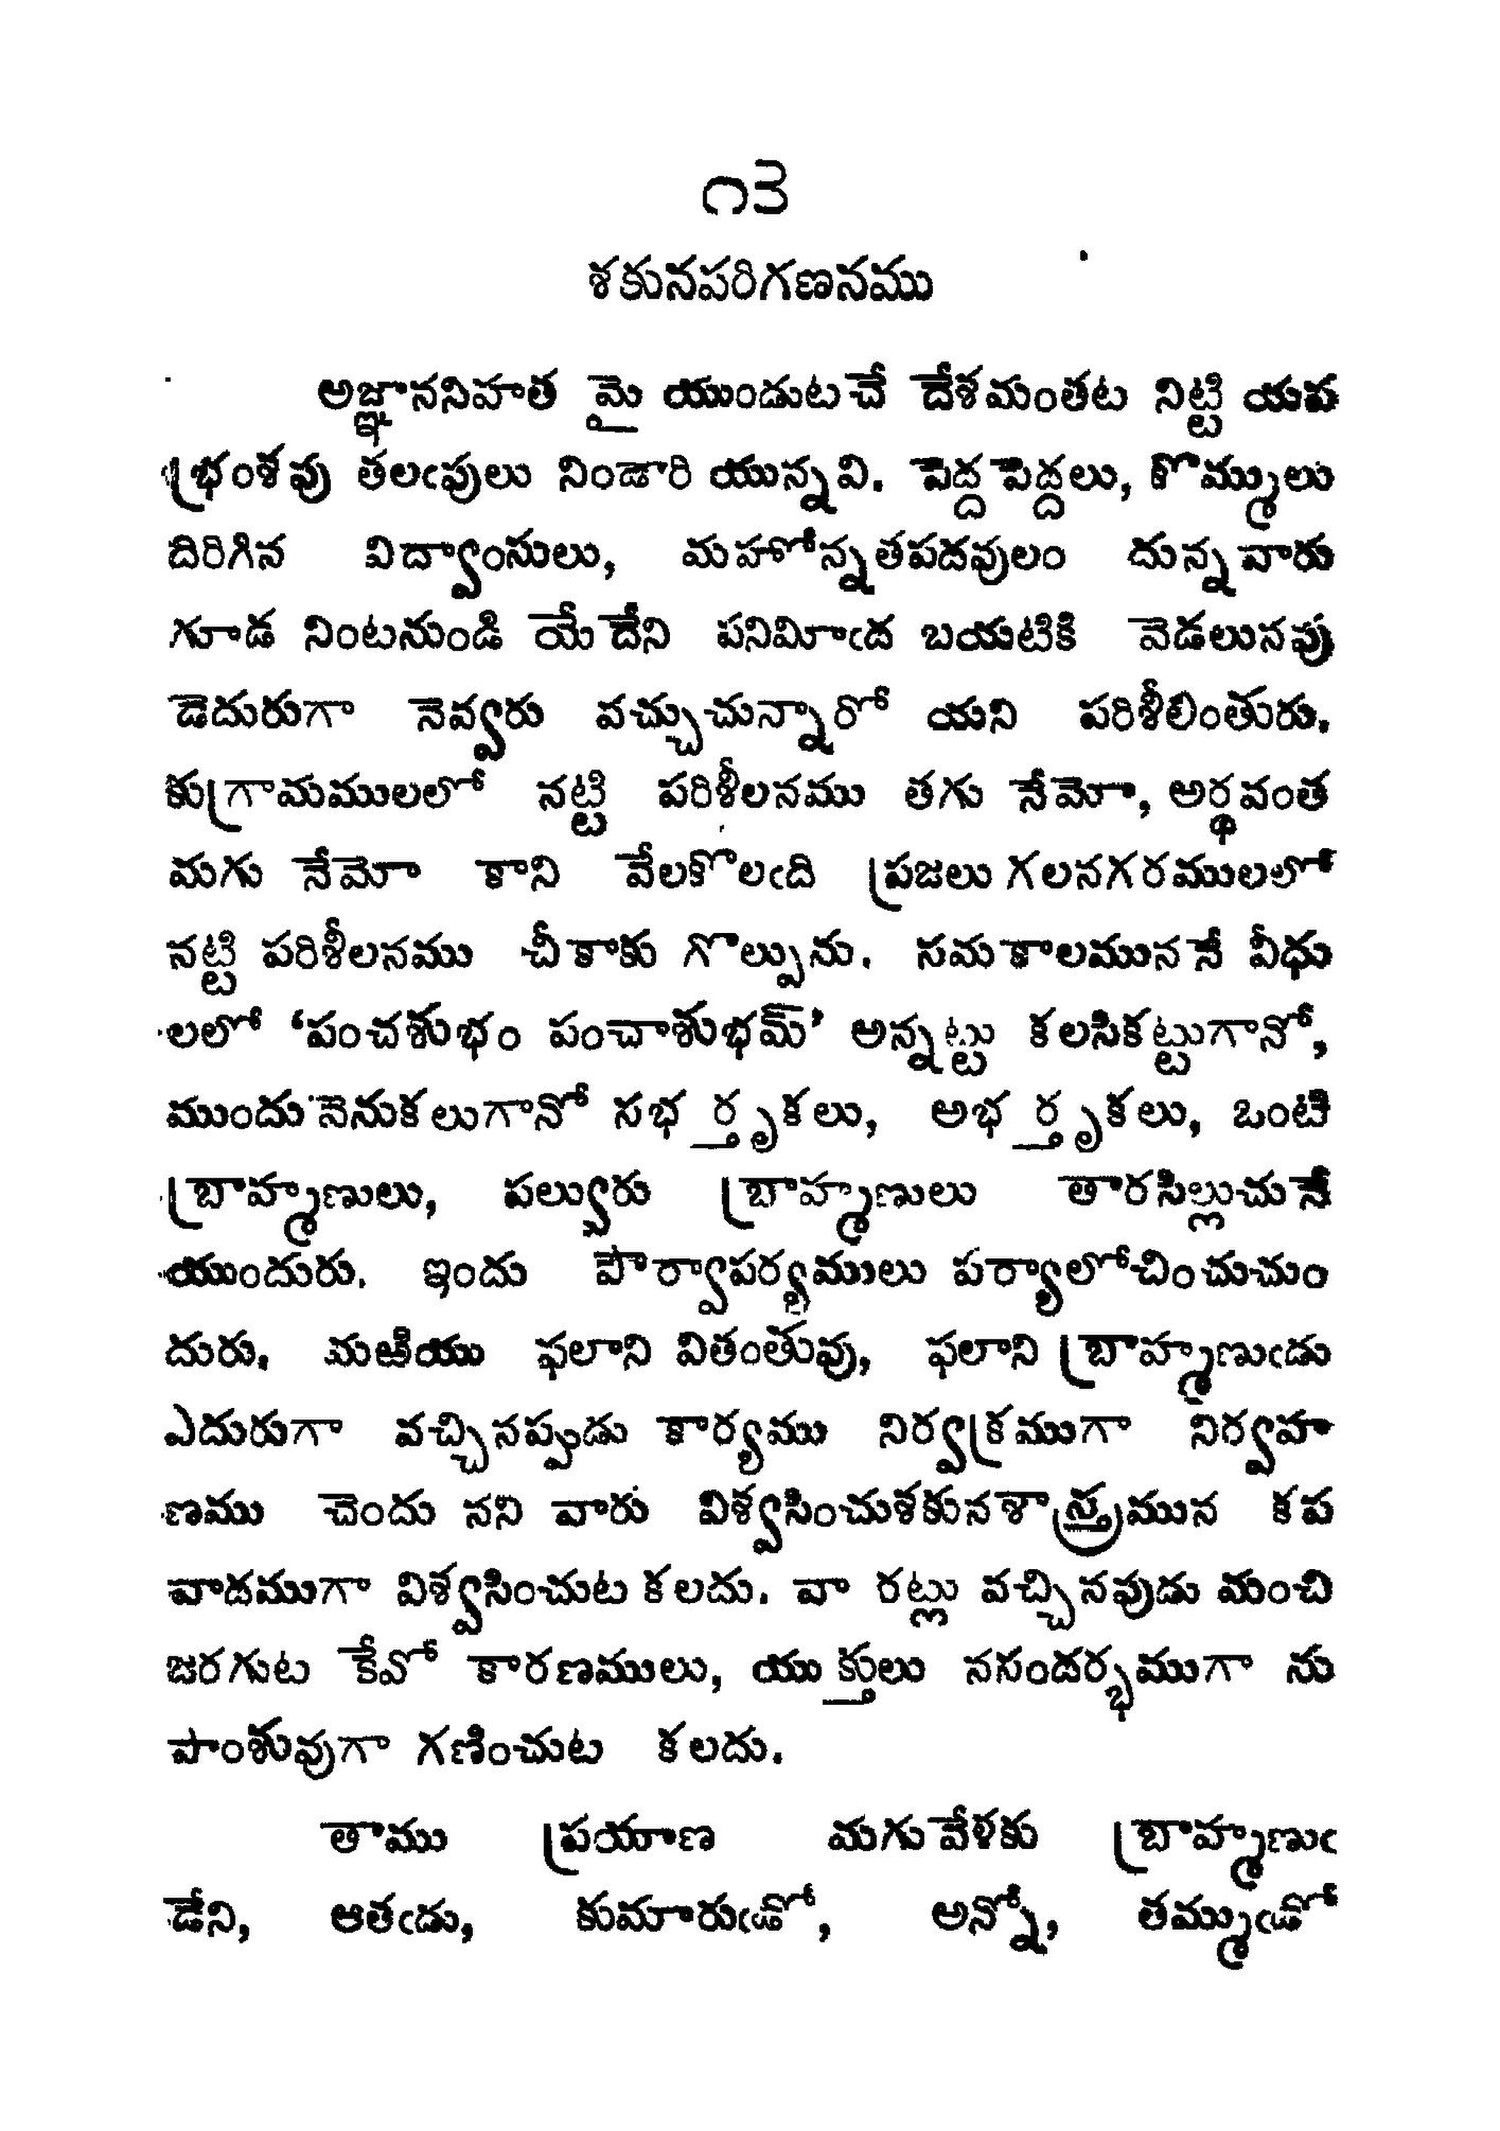అజ్ఞాననిహత మై యుండుటచే దేశమంతట నిట్టి యపభ్రంశపు తలఁపులు నిండారి యున్నవి. పెద్దపెద్దలు, కొమ్ములు దిరిగిన విద్వాంసులు, మహొన్నతపదవులం దున్నవారు గూడ నింటనుండి యే దేని పనిమిఁ బయటకి వెడలునపు డెదురుగా నెవ్వరు వచ్చుచున్నారో యని పరిశీలింతురు. కుగ్రామములో నట్టి పరిశీలనము తగు నేమో, అర్ధవంతమగు నేమో కానీ వేలకొలఁది ప్రజలు గల నగరములలో నట్టి పరిశీలనము చీకాకు గొల్పును. సమకాలమునే విధులలో ' పంచ శుభం పంచాశుభమ్' అన్నట్టు కలసికట్టు గానో, ముందు వెనుకలుగానో సభ ర్తుకలు, ఒంటి బ్రాహ్మణులు,పల్వురు న్రాహ్మనులు తారసిల్లుచునే యుందురు. ఇందు పౌర్వాపర్యములు పర్యాలోచించుచుందురు. మఱియు ఫలాని వితంతువు , ఫలాని బ్రాహ్మణుఁ డు ఎదురుగా వచ్చినప్పుడు కార్యము నిర్వక్రముగా నిర్వహణము చెందు నని వారు విశ్వసించుట కలదు. వా రేట్లు వచ్చినప్పుడు మంచి జరుగుట కేవో కారణములు,యుక్తులు నసందర్భముగా నుపాంశువుగా గణిం చుట కలదు.

తాము ప్రయాణ మగువేళకు బ్రాహ్మణుఁడేని, ఆతఁడు, కుమారుఁడో, అన్నో, తమ్ముఁడో,